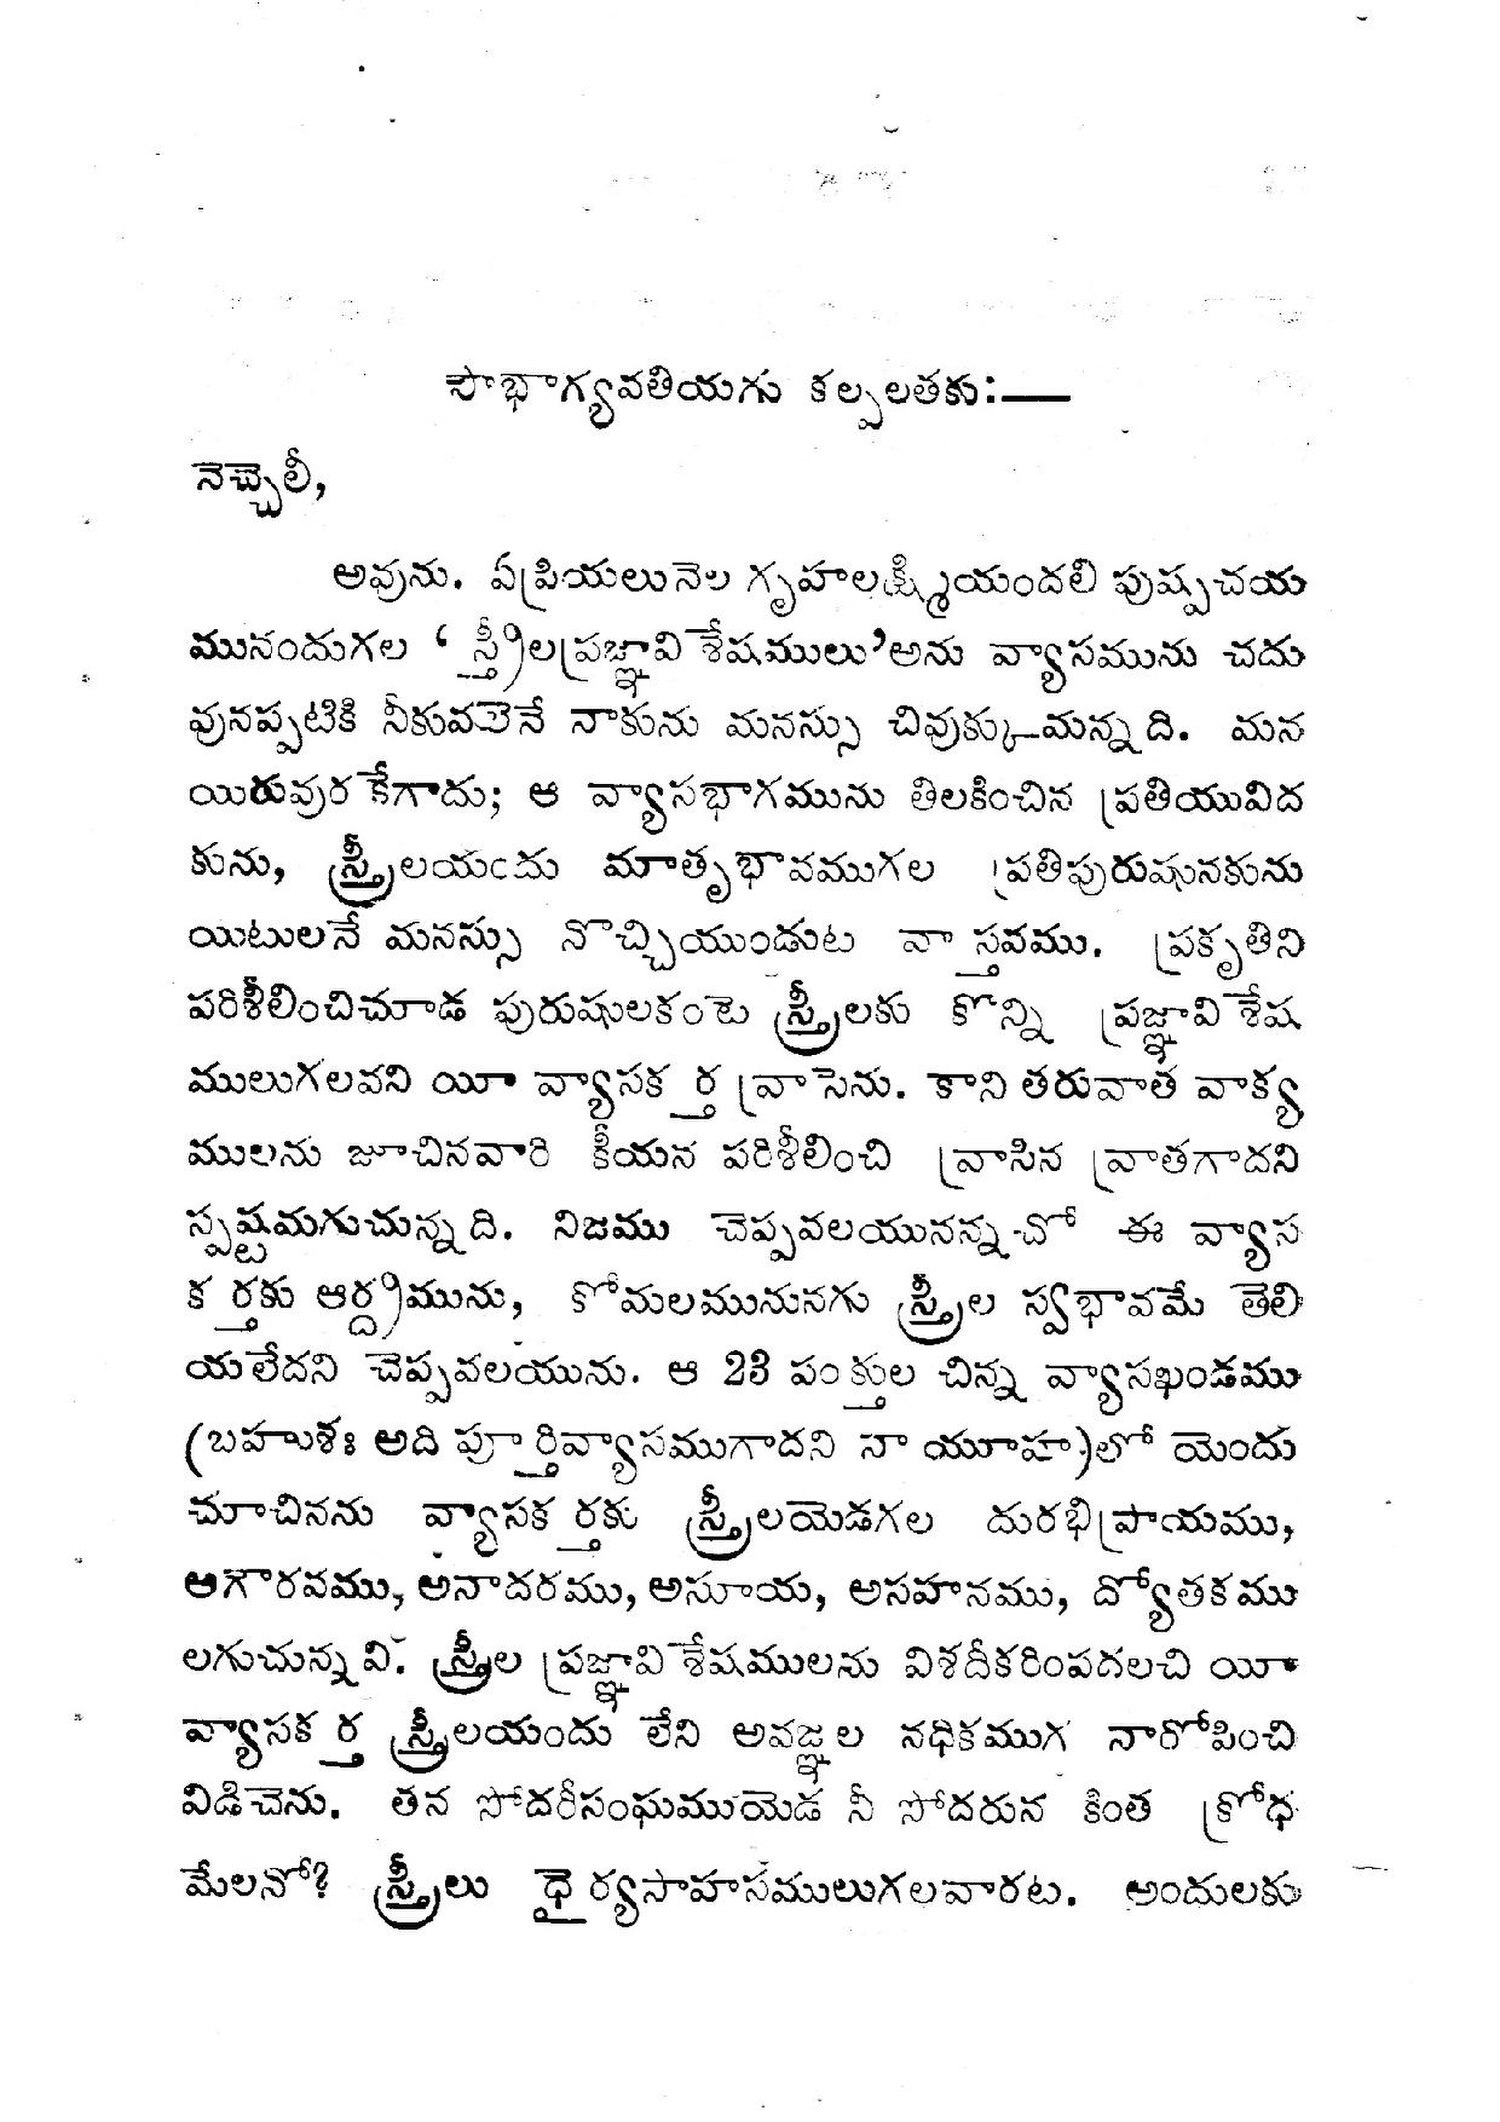నెచ్చెలీ,

అవును. ఏప్రియలు నెల గృహలక్ష్మీ యందలి పుష్పచయ
మునందుగల 'స్త్రీలప్రజ్ఞావిశేషములు' అను వ్యాసమును చదు
వునప్పటికి నీకు వలెనే నాకును మనస్సు చివుక్కుమన్నది. మన
యిరువుర కేగాదు; ఆ వ్యాసభాగమును తిలకించిన ప్రతియువిద
కును, స్త్రీలయఁదు మాతృభావముగల ప్రతిపురుషునకును
యిటులనే మనస్సు నొచ్చియుండుట వాస్తవము. ప్రకృతిని
పరిశీలించిచూడ పురుషులకంటె స్త్రీలకు కొన్ని ప్రజ్ఞావిశేష
ములుగలవని యీ వ్యాసకర్త వ్రాసెను. కాని తరువాత వాక్య
ములను జూచినవారి కీయన పరిశీలించి వ్రాసిన వ్రాతగాదని
స్పష్టమగుచున్నది. నిజము చెప్పవలయునన్నచో ఈ వ్యాస
కర్తకు ఆర్ద్రమును, కోమలమునునగు స్త్రీల స్వభావమే తెలి
యలేదని చెప్పవలయును. ఆ 23 పంక్తుల చిన్న వ్యాసఖండము
(బహుశః అది పూర్తివ్యాసముగాదని నా యూహ)లో యెందు
చూచినను వ్యాసకర్తకు స్త్రీలయెడగల దురభిప్రాయము,
అగౌరవము, అనాదరము, అసూయ, అసహనము, ద్యోతకము
లగుచున్నవి. స్త్రీల ప్రజ్ఞావి శేషములను విశదీకరింపదలచి యీ
వ్యాసకర్త స్త్రీలయందు లేని అవజ్ఞల నధికముగ నారోపించి
విడిచెను. తన సోదరీ సంఘముయెడ నీ సోదరున కింత క్రోధ
మేలనో? స్త్రీలు ధైర్యసాహసములు గలవారట. అందులకు